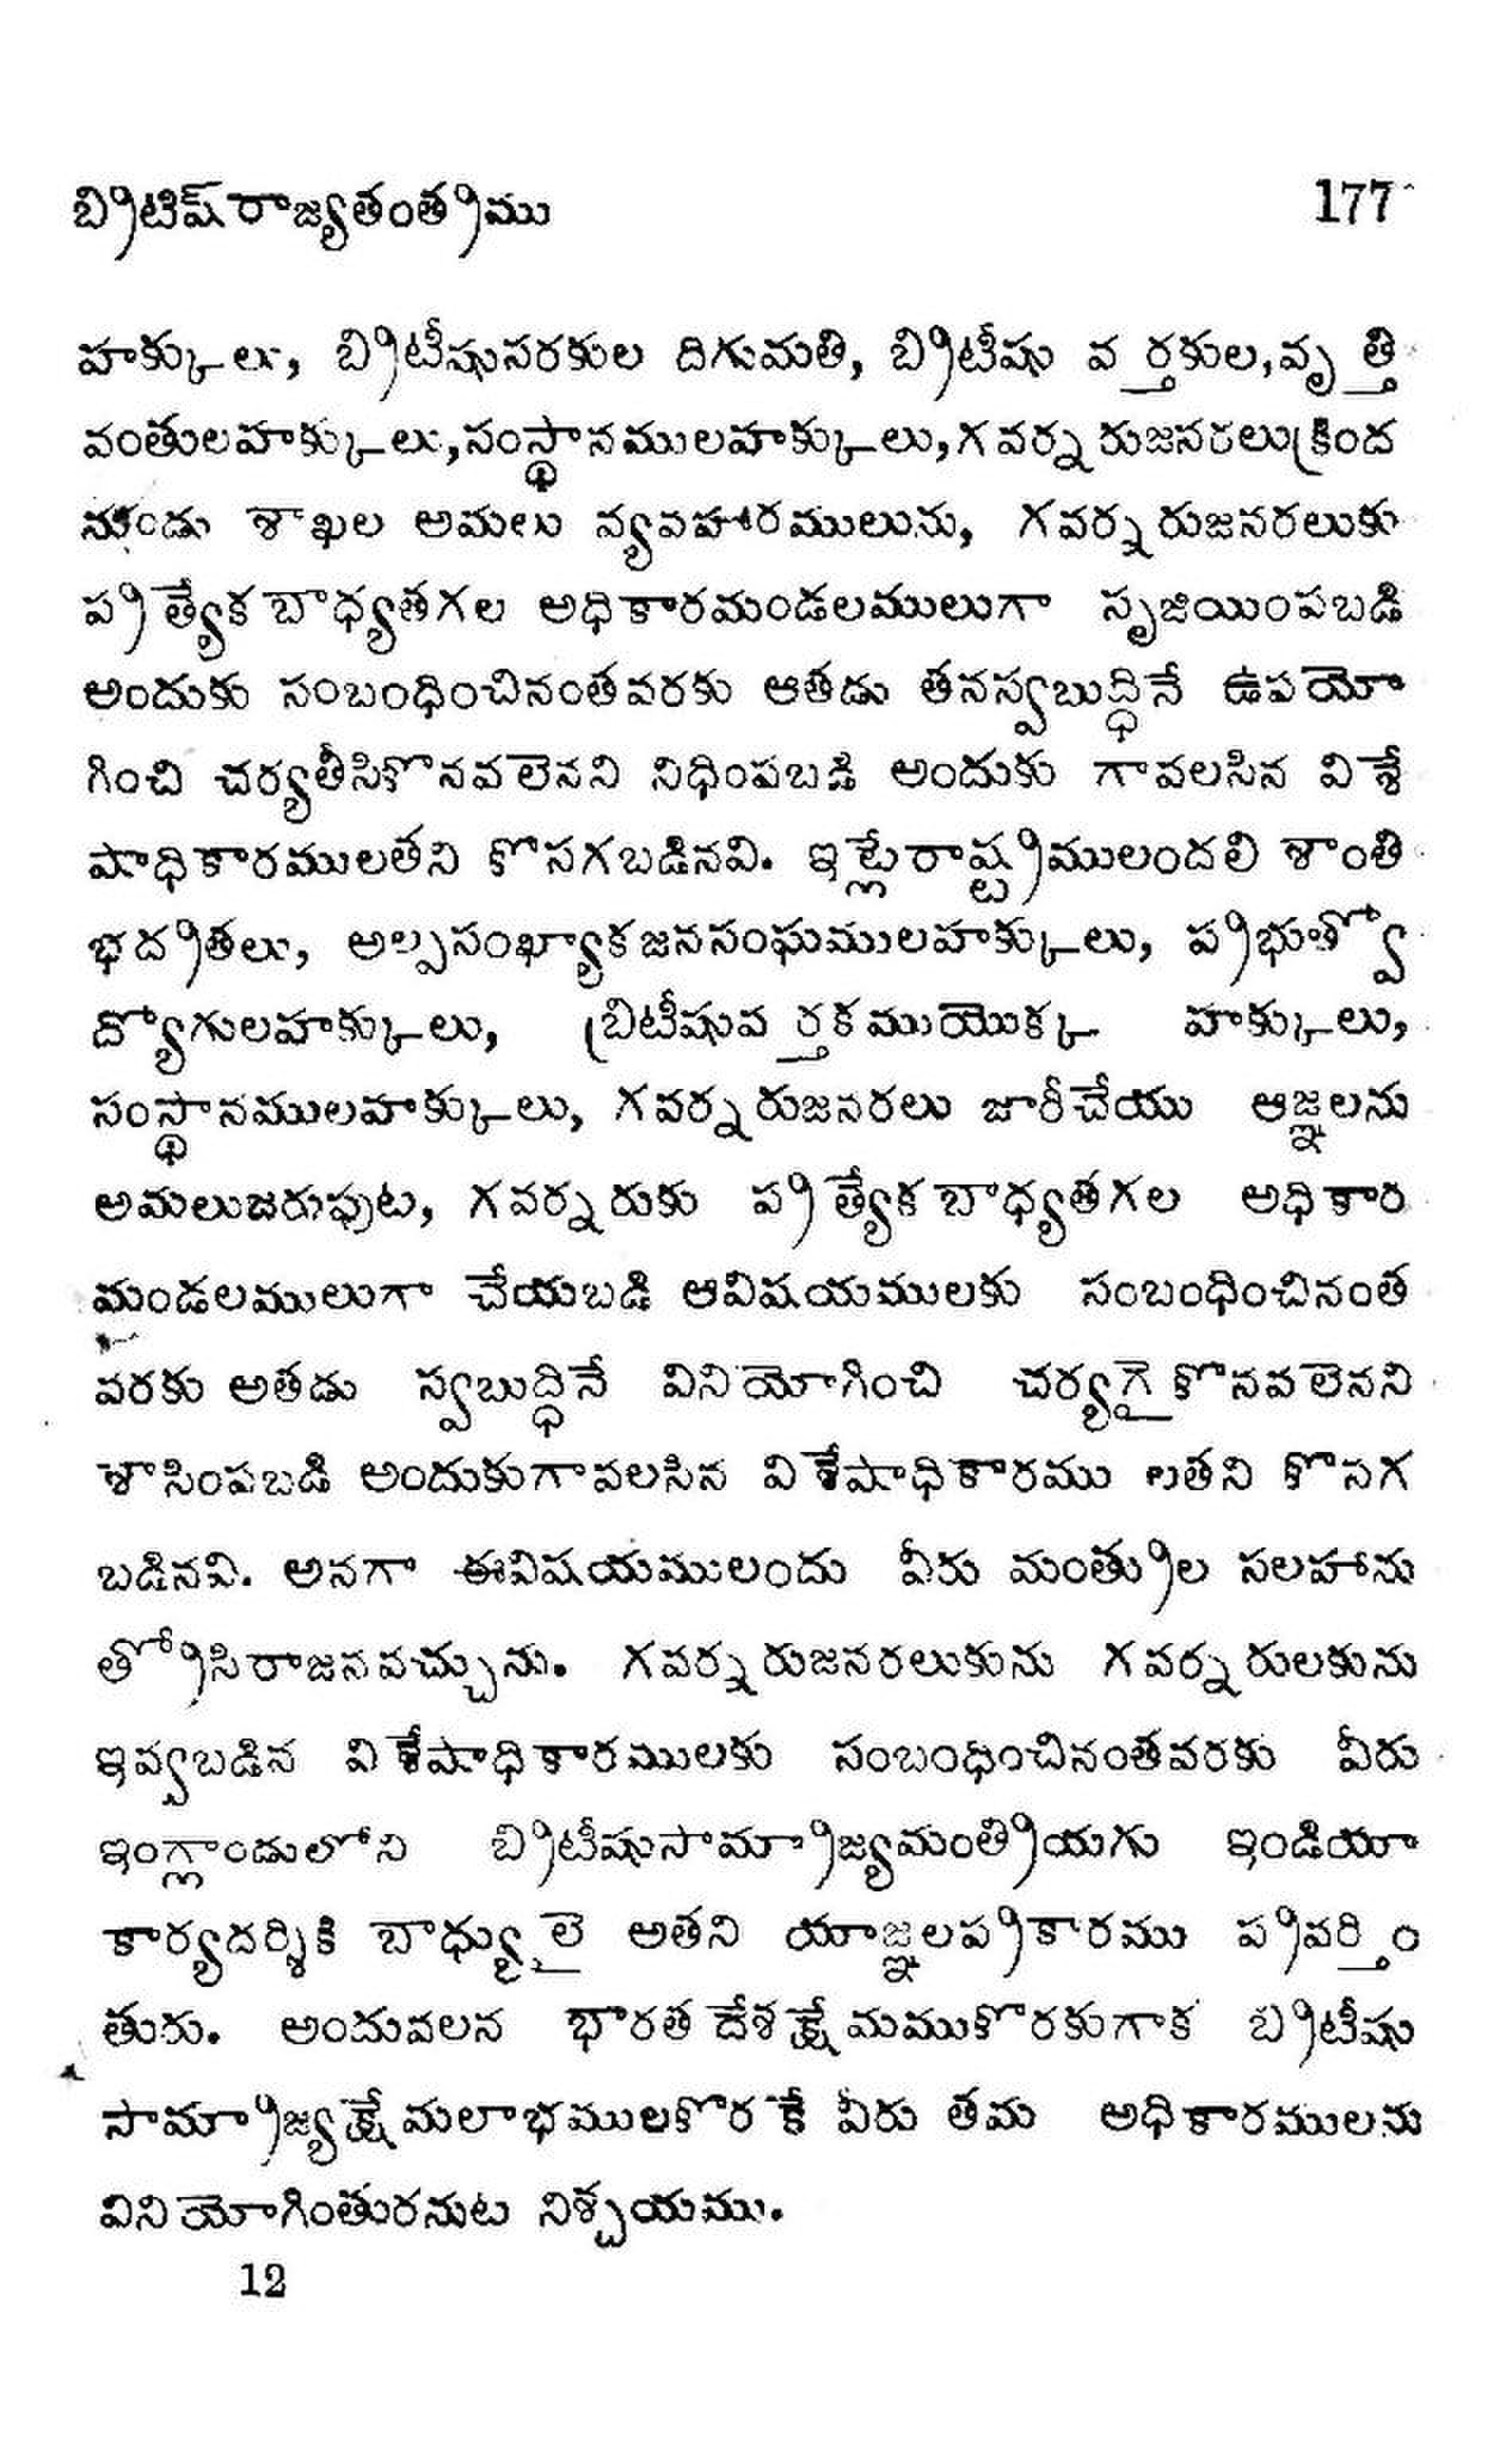హక్కులు, బ్రిటీషుసరకుల దిగుమతి, బ్రిటీషు వర్తకుల, వృత్తివంతులహక్కులు, సంస్థానములహక్కులు, గవర్నరుజనరలుక్రింద నుండు శాఖల అమలు వ్యవహారములును, గవర్నరుజనరలుకు ప్రత్యేకబాధ్యతగల అధికారమండలములుగా సృజియింపబడి అందుకు సంబంధించినంతవరకు ఆతడు తనస్వబుద్దినే ఉపయోగించి చర్యతీసికొనవలెనని విధింపబడి అందుకు గావలసిన విశేషాధికారములతని కొసగబడినవి. ఇట్లేరాష్ట్రములందలి శాంతిభద్రతలు, అల్పసంఖ్యాకజనసంఘములహక్కులు, ప్రభుత్వోద్యోగులహక్కులు, బ్రిటీషువర్తకముయొక్క హక్కులు, సంస్థానములహక్కులు, గవర్నరుజనరలు జారీచేయు ఆజ్ఞలను అమలుజరుఫుట, గవర్నరుకు ప్రత్యేకబాధ్యతగల అధికారమండలములుగా చేయబడి ఆవిషయములకు సంబంధించినంత వరకు అతడు స్వబుద్ధినే వినియోగించి చర్యగైకొనవలెనని శాసింపబడి అందుకుగావలసిన విశేషాధికారము లతని కొసగబడినవి. అనగా ఈవిషయములందు వీరు మంత్రుల సలహాను త్రోసిరాజనవచ్చును. గవర్నరుజనరలుకును గవర్నరులకును ఇవ్వబడిన విశేషాధికారములకు సంబంధించినంతవరకు వీరు ఇంగ్లాండులోని బ్రిటీషుసామ్రాజ్యమంత్రియగు ఇండియా కార్యదర్శికి బాధ్యులై అతని యాజ్ఞలప్రకారము ప్రవర్తింతురు. అందువలన భారతదేశక్షేమముకొరకుగాక బ్రిటీషుసామ్రాజ్య క్షేమలాభములకొరకే వీరు తమ అధికారములను వినియోగింతురనుట నిశ్చయము.